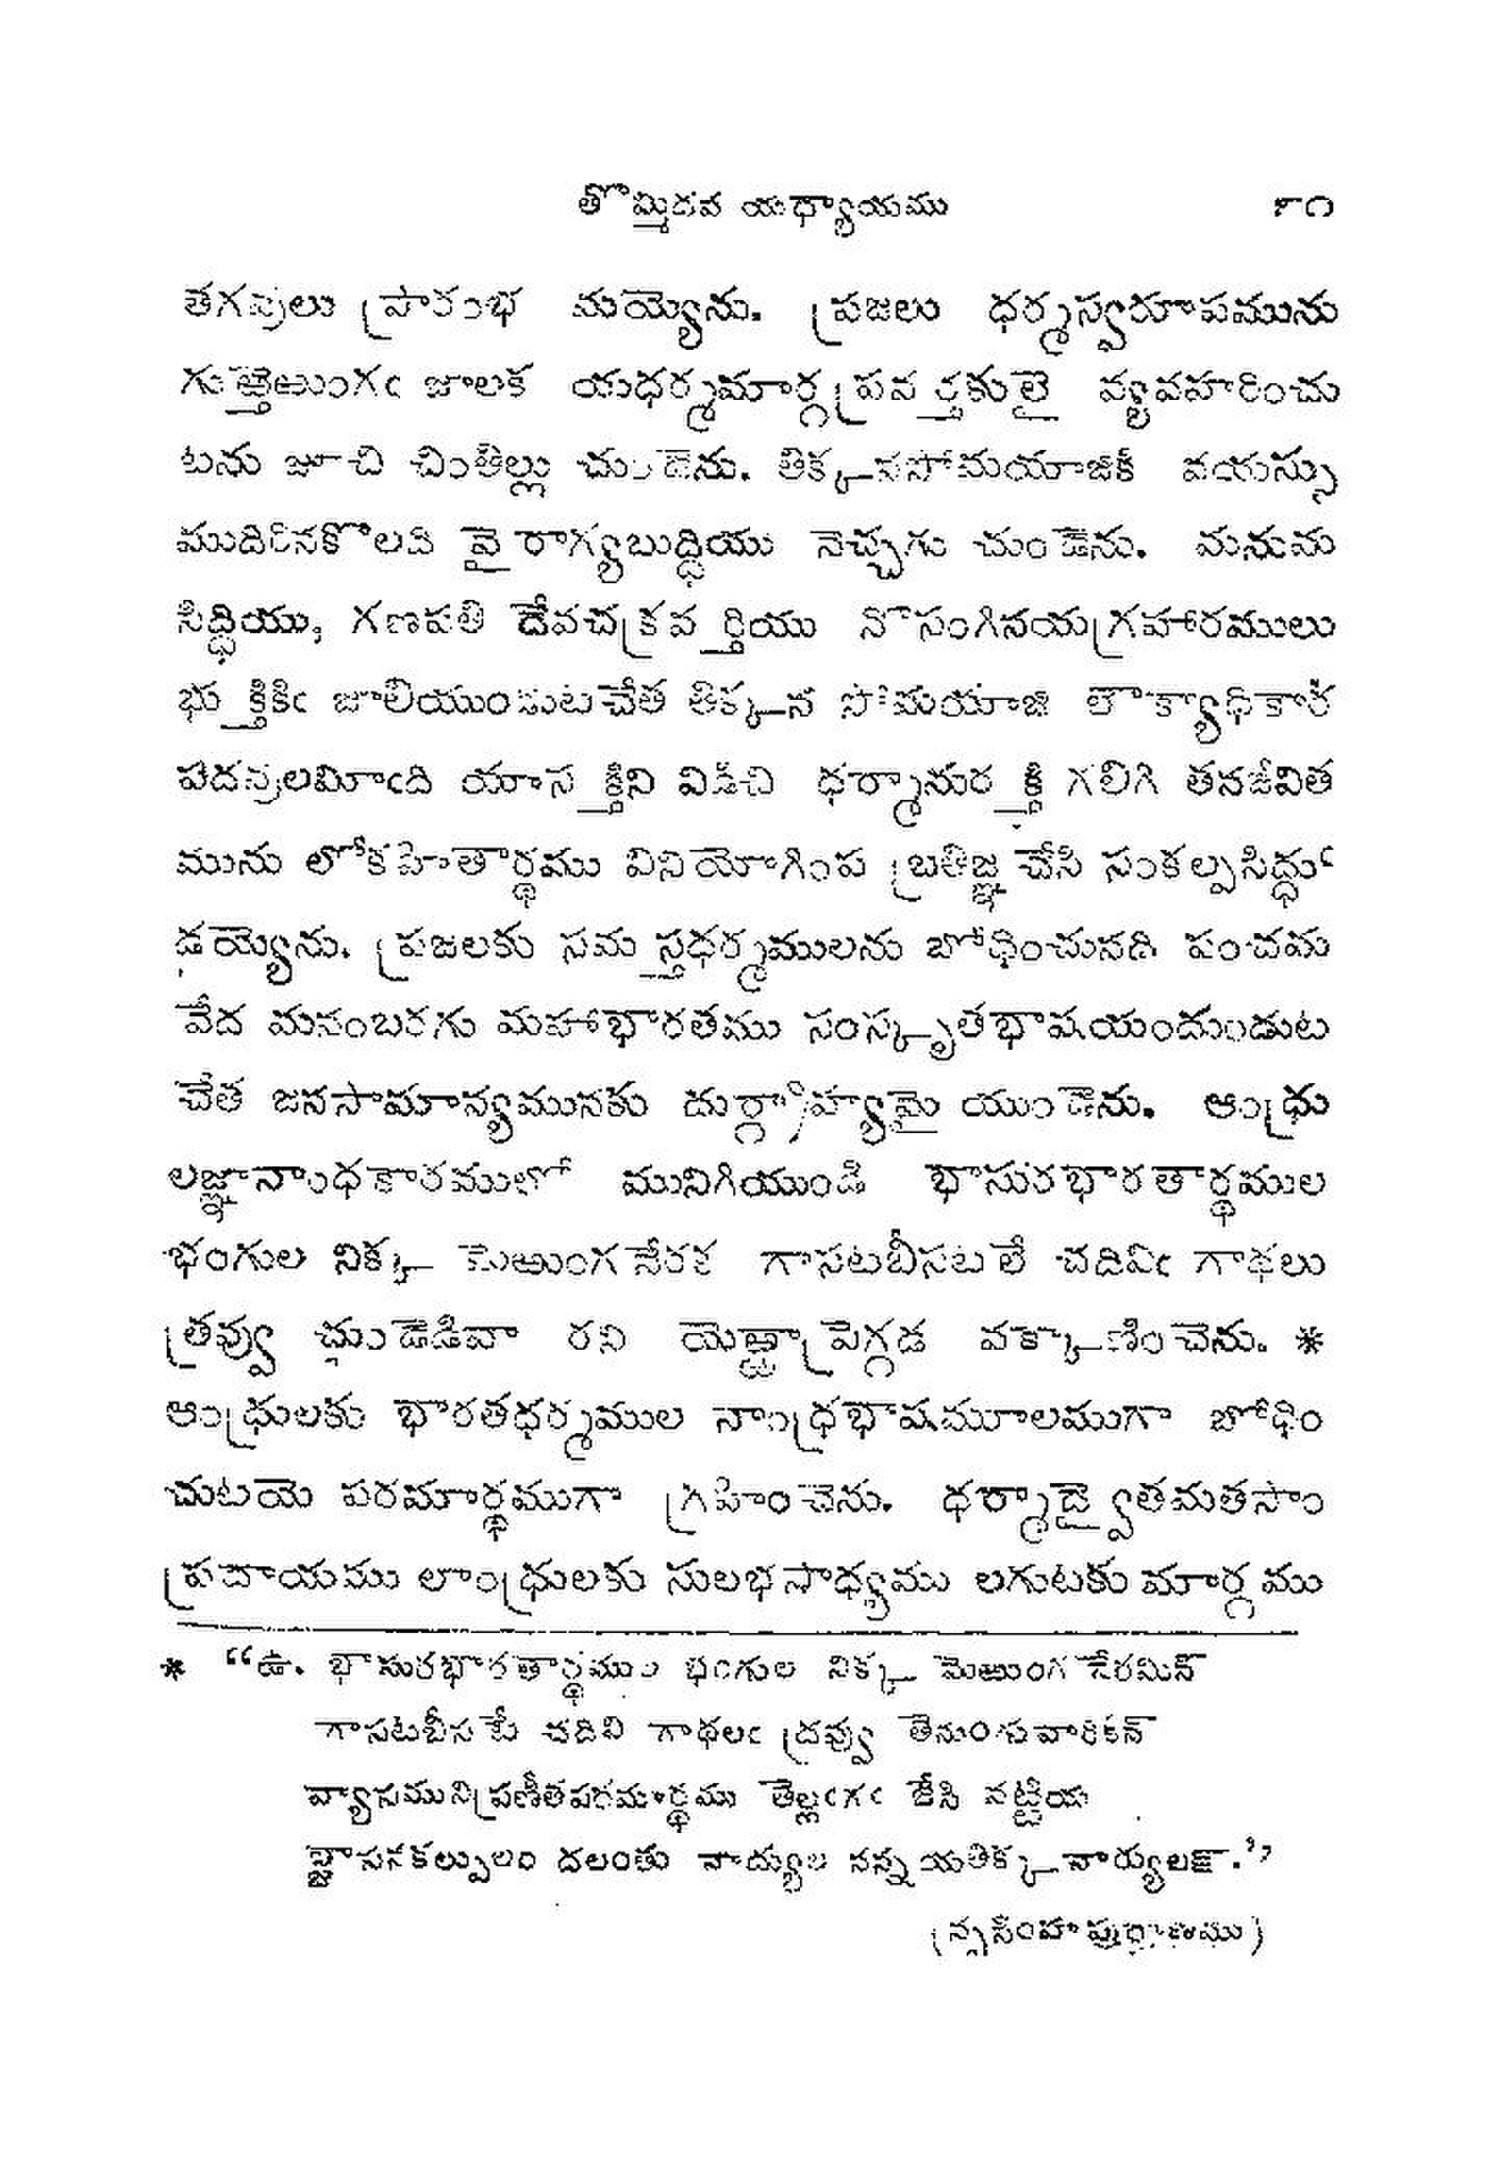తగవులు ప్రారంభ మయ్యెను. ప్రజలు ధర్మస్వరూపమును గుఱ్తెఱుంగఁ జాలక యధర్మమార్గ ప్రవర్తకులై వ్యవహరించుటను జూచి చింతిల్లు చుండెను. తిక్కనసోమయాజికి వయస్సు ముదిరినకొలది వైరాగ్యబుద్దియు నెచ్చగు చుండెను. మనునుసిద్దియు, గణపతి దేవచక్రవర్తియు నొసంగినయగ్రహారములు భుక్తికిఁ జూలియుండుటచేత తిక్కన సోమయాజి లౌక్యాధికార పదవులమీఁది యాసక్తిని విడిచి ధర్మానురక్తి గలిగి తనజీవితమును లోకహితార్థము వినియోగింప బ్రతిజ్ఞచేసి సంకల్పసిద్ధుఁడయ్యెను. ప్రజలకు సమస్తధర్మములను బోధించునది. పంచమవేద మనంబరగు మహాభారతము సంస్కృతభాషయందుండుట చేత జనసామాన్యమునకు దుర్గ్రాహ్యమై యుండెను. ఆంధ్రు లజ్ఞానాంధకారములో మునిగియుండి భాసురభారతార్థముల భంగుల నిక్క మెఱుంగనేరక గాసటబీసటలే చదివిఁ గాథలు త్రవ్వు చుండెడివా రని యెఱ్ఱాప్రెగ్గడ వక్కాణించెను. ఆంధ్రులకు భారతధర్మముల నాంధ్రభాషమూలముగా బోధించుటయే పరమార్థముగా గ్రహించెను. ధర్మాద్వైతమతసాంప్రదాయము లాంధ్రులకు సులభసాధ్యము లగుటకుమార్గము